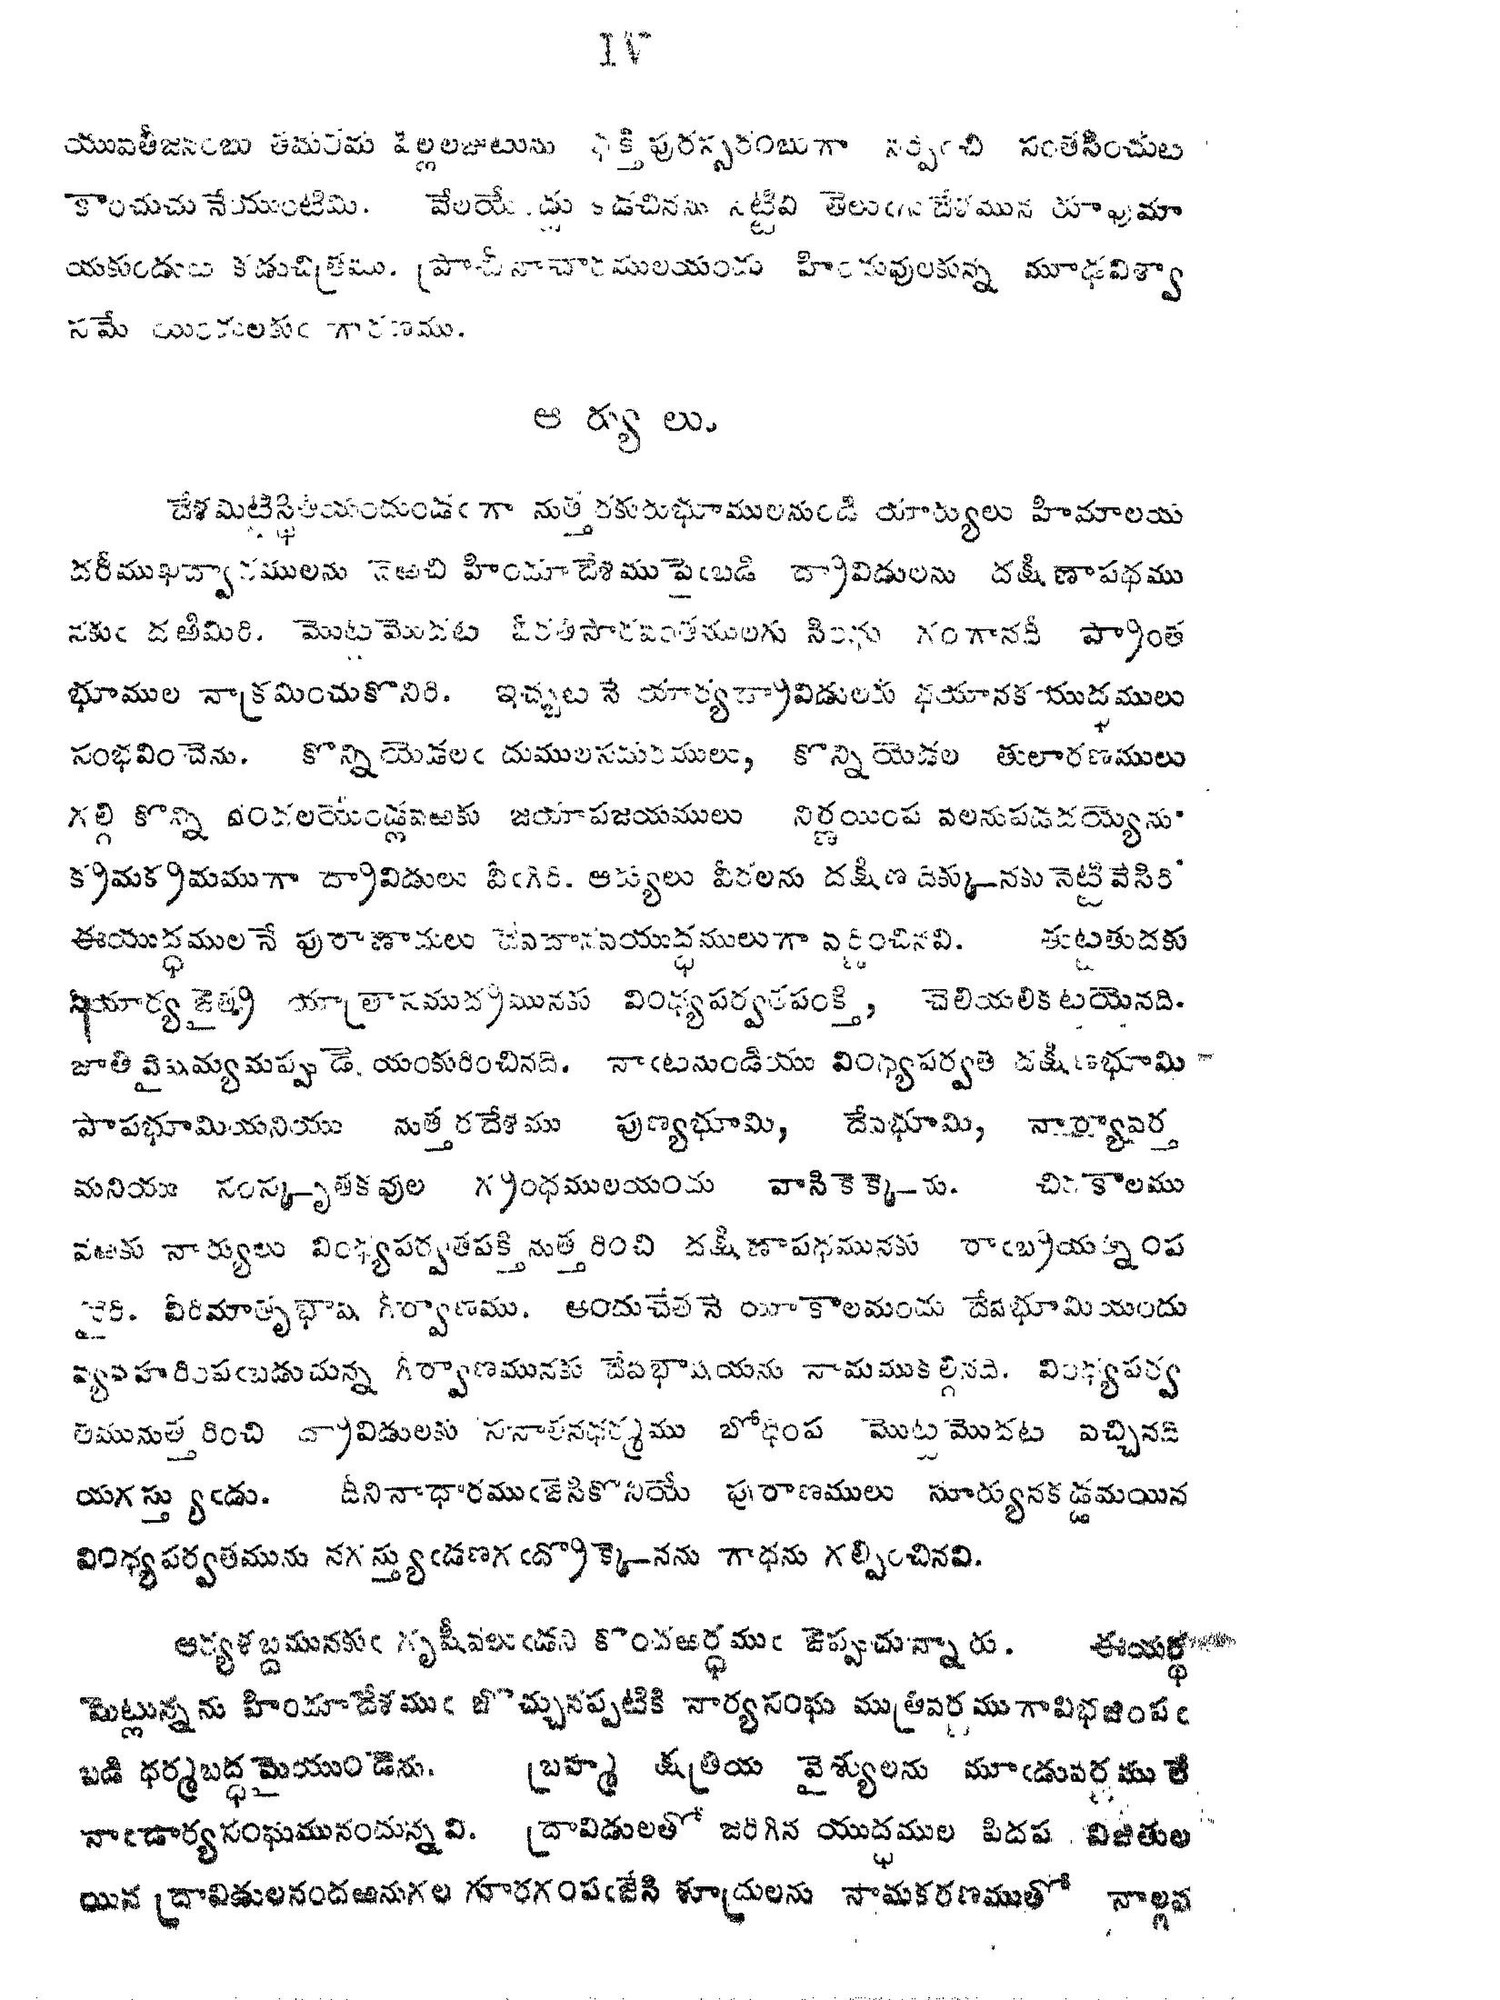యువతీజనంబు తమ తమ పిల్లలజుట్టుసు బక్తి పురస్సరంబుగా నర్పించి సంతసించుట
కాంచుచు నేయుంటిమి.వేలయేడ్లు గడిచినను నట్టివి తెలుగు దేశమున రూపు మాయ కుండుట కడుచిత్రము. ప్రాచీనాచారముల యందు హిందువుల కున్న మూఢవిశ్వా
సమే యిందులకుఁ గారణము.

దేశమిట్టి స్థితియం దుండఁగా నుత్తర కురుభూముల నుండి యార్యులు హిమాలయ
దరీముఖ ద్వాములను దెరచి హిందూ దేశము పైబడి ద్రావిడులను దక్షిణాపథము
సకుఁ డఱిమిరి. మొట్ట మొదట వీరతిసౌర వంతములగు సింధు గంగానకదీ ప్రాంత
భూముల నాక్రమించుకొనిరి. ఇచ్చటనే యార్య ద్రావిడులకు భయంకర యుద్దములు
సంభవించెను. కొన్ని యెడలఁ దుముల సమరములు, కొన్ని యెడల తులారణములు
గల్గి కొన్ని వందలయేండ్లవరకు జయాపజయములు నిర్ణయింప వలను పడదయ్యెను.
క్రమశ్రమముగా ద్రావిడులు వీఁగిరి. ఆర్యులు వీరలను దక్షిణ దిక్కునకు నెట్టివేసిరి.
ఈ యుద్ధములనే పురాణామలు దేవవాసవ యుద్ధములుగా వర్ణించినవి. తుట్టతుదకు
జైత్ర యాత్రా సముద్రమునకు వింధ్య పర్వత పంక్తి చెలియలికట్ట యైనది.
జాతి వైషమ్యమప్పుడే, యంకురించినది. నాఁటనుండియు వింద్యపర్వత దక్షణభూమి
పాపభూమి యనియు నుత్తరదేశము పుణ్యభూమి, దేవ భూమి, నార్యావర్త
మనియు సంస్కృత కవుల గ్రంధముల యందు వాసి కెక్కెను. చిరకాలము
వరకుకు "నా ర్యులు వింద్యాపర్వతపక్తి మత్త రించి దక్షిణా పథమునకు రాప్రయత్నింప
రైరి. వీరి మాతృభాష, గీర్వాణము. అందుచేతనే యీ కాలమంచు దేవభూమి యందు
వ్యవహరింపఁ బడుచున్న గీర్వాణమునకు దేప భాషయను నామము కల్గినది.
విద్యపర్వత్తము నుత్తరించి ద్రావిడులకు సనాతనధర్మము బోదింప మొట్ట మొదట పచ్చినది యగస్త్యుడు. దీని నాధారముఁ జేసికొసియే పురాణములు సూర్యున కడ్డమయిన
వింధ్య పర్వతమును నగస్త్యుఁడణగ దొక్కెనను గాధను గల్పించినవి.

ఆర్య శబ్దమునకుఁ గృషీవలుడని కొందరర్దము జెప్పు చున్నారు.ఈయర్థ మె
ట్లున్నను హిందూ దేశముఁ జొచ్చునప్పటికి నార్య సంఘము త్రివర్గముగా విభజిం
ప బడి ధర్మబద్ధమై యుండెను.బ్రహ్మ క్షత్రియ వైశ్యులను మూఁడు పర్గము లే
నాఁడార్య సంఘము నందున్నవి. ద్రావిడులతో జరిగిన యుద్ధముల పిదప , విజితుల
యిన ద్రావిడుల నందఱను గల గూరగంపఁజేసి శూద్రులను నామకరణముతో నాల్గవ